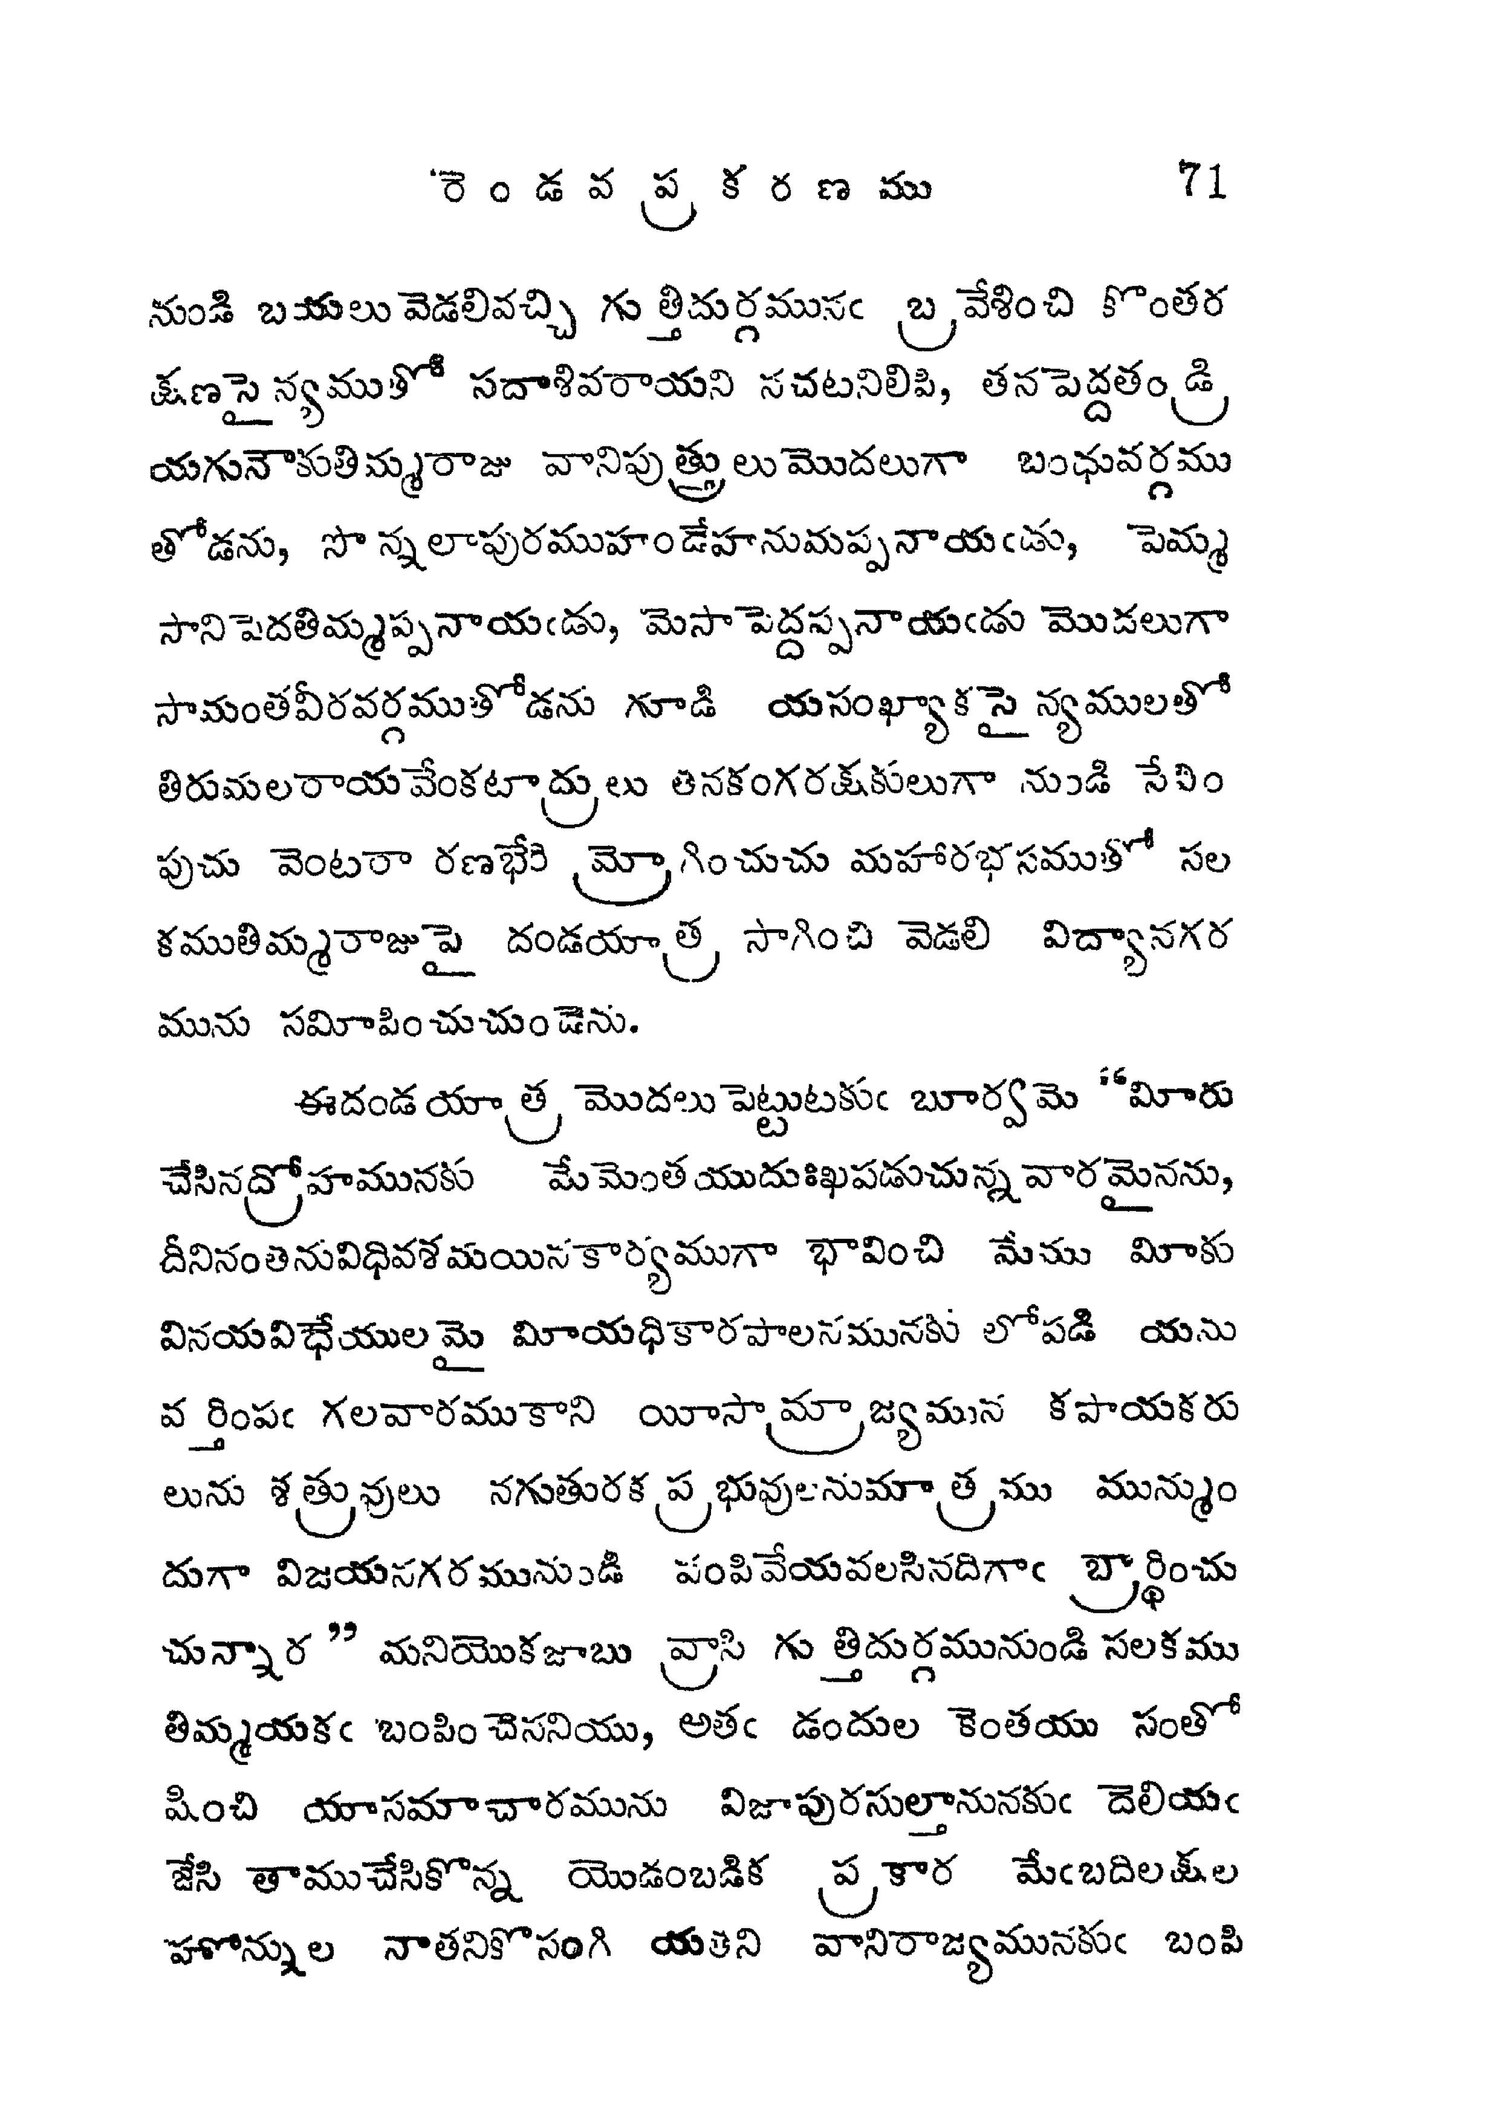నుండి బయలు వెడలివచ్చి గుత్తిదుర్గమున బ్రవేశించి కొంతరక్షణసైన్యముతో సదాశివరాయని నచటనిలిపి, తనపెద్దతండ్రి యగునౌకుతిమ్మరాజు వానిపుత్రులుమొదలుగా బంధువర్గముతోడను, సొన్నలాపురముహండేహనుమప్పనాయడు, పెమ్మసానిపెదతిమ్మప్పనాయడు, మెసాపెద్దప్పనాయడు మొదలుగా సామంతవీరవర్గముతోడను గూడి యసంఖ్యాకసైన్యములతో తిరుమలరాయవేంకటాద్రులు తనకంగరక్షకులుగా నుండి సేవింపుచు వెంటరా రణభేరి మ్రోగించుచు మహారభసముతో సలకముతిమ్మరాజుపై దండయాత్ర సాగించి వెడలి విద్యానగరమును సమీపించుచుండెను.

ఈదండయాత్ర మొదలుపెట్టుటకు బూర్వమె "మీరు చేసినద్రోహమునకు మేమెంతయుదు:ఖపడుచున్న వారమైనను, దీనినంతనువిధివశమయినకార్యముగా భావించి మేము మీకు వినయవిధేయులమై మీయధికారపాలనమునకు లోపడి యనువర్తింప గలవారముకాని యీసామ్రాజ్యమున కపాయకరులును శత్రువులు నగుతురకప్రభువులనుమాత్రము మున్ముందుగా విజయనగరమునుండి పంపివేయవలసినదిగా బ్రార్థించుచున్నార" మనియొకజాబు వ్రాసి గుత్తిదుర్గమునుండి సలకము తిమ్మయక బంపించెననియు, అత డందుల కెంతయు సంతోషించి యాసమాచారమును విజాపురసుల్తానునకు దెలియజేసి తాముచేసికొన్న యొడంబడిక ప్రకార మేబదిలక్షల హొన్నుల నాతనికొసంగి యతని వానిరాజ్యమునకు బంపి